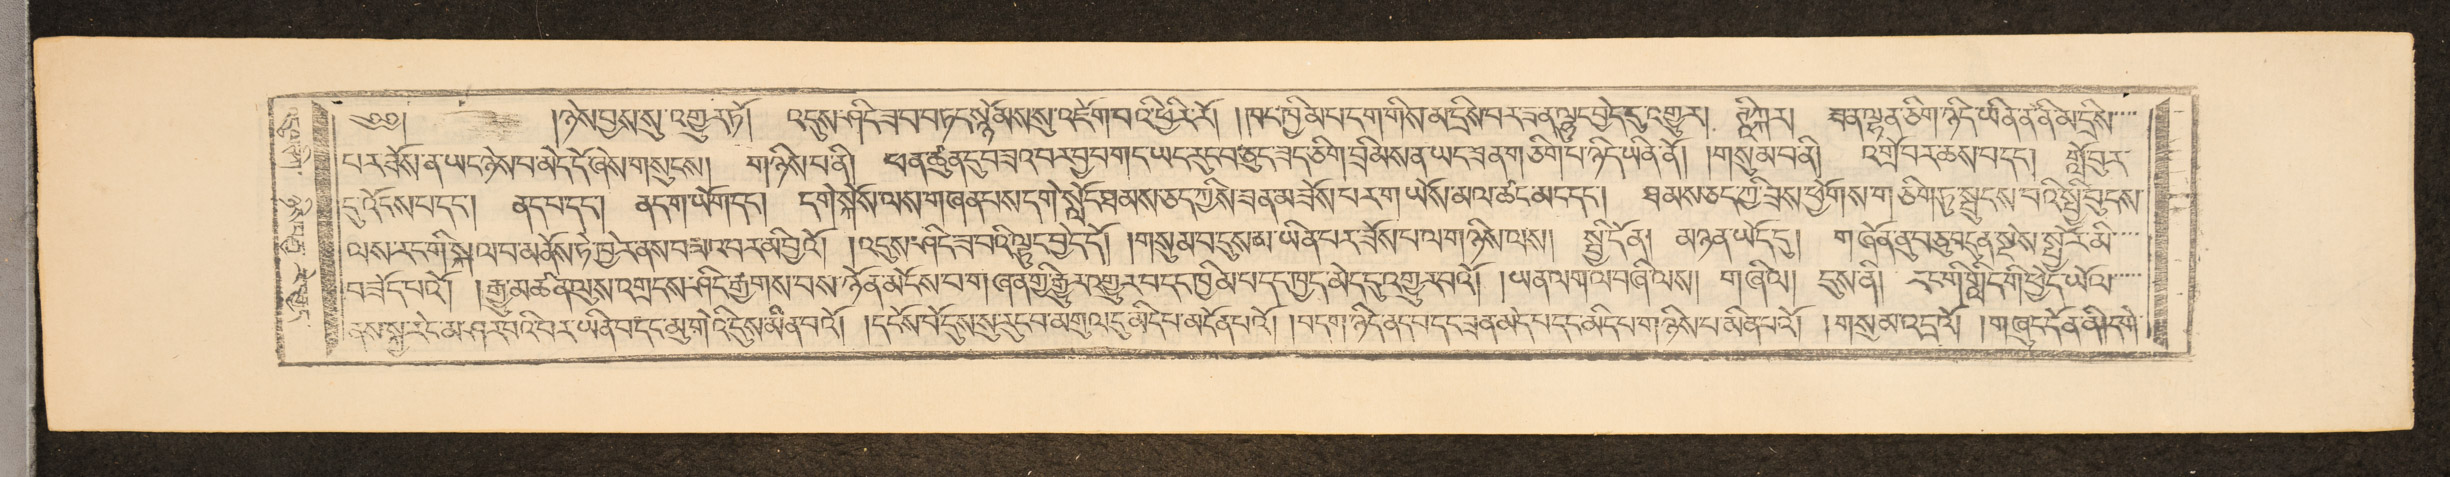༄༅། །ཉེས་བྱས་སུ་འགྱུར་ཏེ། འདུས་ཤིང་ཟ་བ་བཏང་སྙོམས་སུ་འཇོག་པའི་ཕྱིར་རོ། །ཁང་ཁྱིམ་པ་དག་གིས་མ་དྲིས་པར་ཟན་ལྟུང་བྱེད་དུ་འགྱུར། ཊཱིཀྐར། ཟན་ལྷན་ཅིག་ཉིད་ཡིན་ན་ནི་མ་དྲིས་
པར་ཟོས་ན་ཡང་ཉེས་པ་མེད་དོ་ཞེས་གསུངས། གཉིས་པ་ནི། ཕན་ཚུན་དུ་བཟའ་བར་བྱ་བ་གང་ཡང་རུང་བ་ཅུང་ཟད་ཅིག་བྲིམས་ན་ཡང་ཟན་གཅིག་པ་ཉིད་ཡིན་ནོ། །གསུམ་པ་ནི། འགྲོ་བར་ཆས་པ་དང་། གློ་བུར་
དུ་འོངས་པ་དང་། ནད་པ་དང་། ནད་གཡོག་དང་། དགེ་སྐོས་ལས་གཞན་པས་དགེ་སློང་ཐམས་ཅད་ཀྱིས་ཟན་མ་ཟོས་པར་གཡོས་ལ་ཚད་མད་དང་། ཐམས་ཅད་ཀྱི་ཟས་ཕྱོགས་གཅིག་ཏུ་སྤུངས་པའི་སྤྱི་བུངས་
ལས་རང་གི་སྐལ་བ་མནོས་ཏེ་ཁྱེར་ནས་བཟའ་བར་མི་བྱའོ། །འདུས་ཤིང་ཟ་བའི་ལྟུང་བྱེད་དོ། །གསུམ་པ་དུས་མ་ཡིན་པར་ཟོས་པ་ལ་གཉིས་ལས། སྤྱི་དོན། མཉན་ཡོད་དུ། གཞོན་ནུ་བཅུ་བདུན་སྡེས་སྦྱོར་མི་
བཟོད་པའོ། །རྒྱུ་མཚན་ལུས་འགྲངས་ཤིང་རྒྱགས་པས་ཉོན་མོངས་པ་གཞན་གྱི་རྒྱུར་འགྱུར་བ་དང་ཁྱིམ་པ་དང་ཁྱད་མེད་དུ་འགྱུར་པའོ། །ཡན་ལག་ལ་བཞི་ལས། གཞི་ལ། དུས་ནི། རང་གི་གླིང་གི་ཕྱེད་ཡོལ་
ནས་སྐྱ་རེད་མ་ཤར་བའི་བར་ཡིན་པ་དང་མུ་གེའི་དུས་ཡིན་པའོ། །དངོས་པོ་དུས་སུ་རུང་བ་མགུལ་དུ་མིད་པ་མངོན་པའོ། །བདག་ཉིད་ནད་པ་དང་ཟན་མེད་པ་དང་མིད་པ་གཉིས་པ་མིན་པའོ། །གསུམ་འདྲའོ། །གཞུང་དོན་ནི། དགེ་